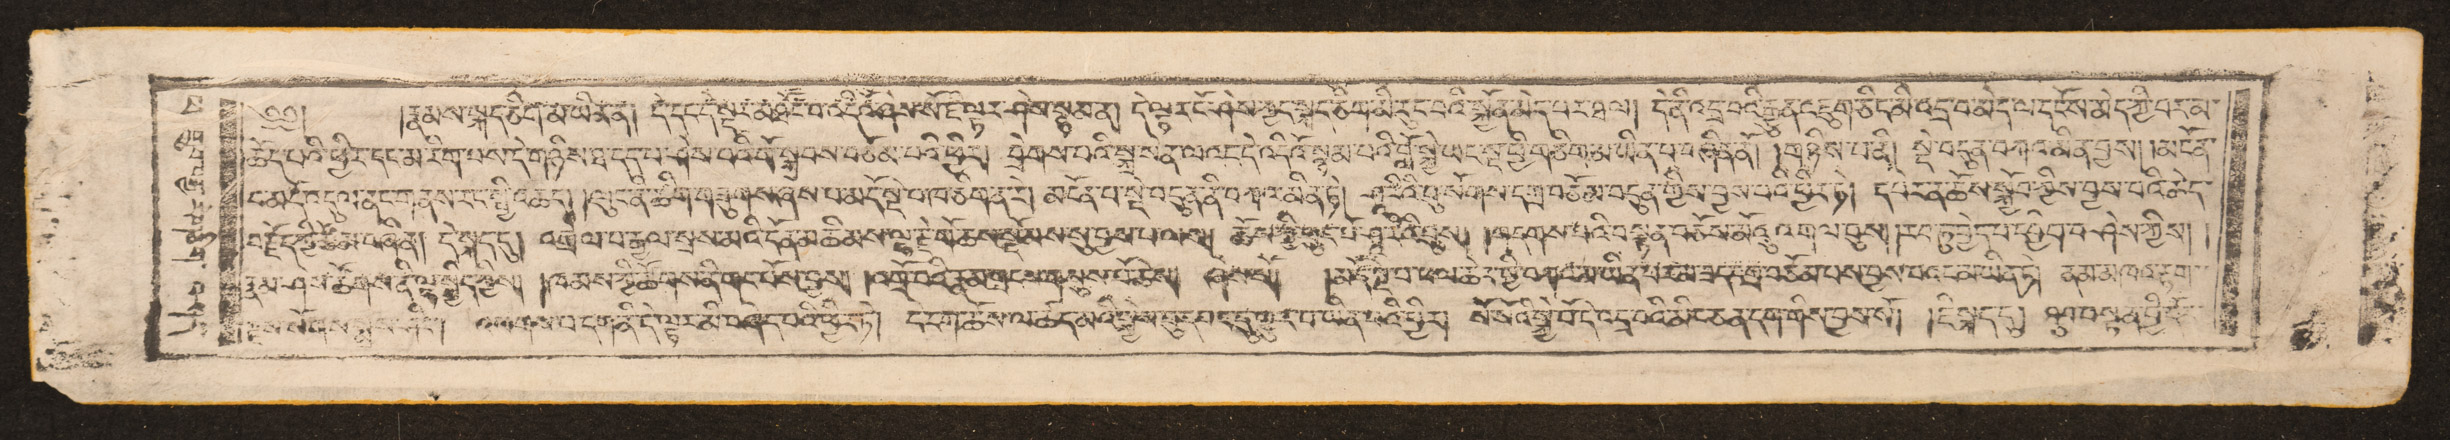༄༅། །རྣམས་སྐད་ཅིག་མ་ཡིན་ན། དེ་དང་དེ་སྔར་མཐོང་ང་འདིའོ་ཞེས་སོ་ཇི་ལྟར་ཤེས་སྙམ་ན། དེ་ལྟར་ངོ་ཤེས་ཀྱང་སྐད་ཅིག་མི་རུང་བའི་སྐྱོན་མེད་པར་ཐལ། དེ་ནི་འདྲ་བའི་རྒྱུན་འཇུག་ཅིང་མི་འདྲ་བ་མེད་ལ་དངོས་མེད་ཀྱི་པར་མ་
ཆོད་པའི་ཕྱིར་དང་མ་རིག་པས་དེ་གཉིས་ཐ་དད་པ་ཤེས་པའི་གོ་སྐབས་བཅོམ་པའི་ཕྱིར། བྲེགས་པའི་སྐྲ་སེན་ལའང་དེ་འདིའོ་སྙམ་པའི་བློ་སྐྱེ་ཡང་སྔ་ཕྱི་གཅིག་མ་ཡིན་པ་བཞིན་ནོ། །གཉིས་པ་ནི། སྡེ་བདུན་བཀའ་མིན་བྱས། །མངོན་
བ་མདོ་འདུལ་ནང་གནས་རང་སྤྱི་འཆད། །ལུང་ནི་ཚིག་གཟུགས་ཞེས་པ་མདོ་སྡེ་བ་ཁ་ཅིག་ན་རེ། མངོན་པ་སྡེ་བདུན་ནི་བཀའ་མིན་ཏེ། ཤཱ་རིའི་བུ་སོགས་དགྲ་བཅོམ་བདུན་གྱིས་བྱས་བའི་ཕྱིར་ཏེ། དཔེར་ན་ཆོས་སྒྱོབ་ཀྱིས་བྱས་པའི་ཆེད་
བརྗོད་ཀྱི་ཚོམ་བཞིན། དེ་སྐད་དུ། འགྲེལ་པ་རྒྱལ་སྲས་མའི་དོན་མཆིམས་ལྷ་རྗེ་གོ་ཆས་སྡོམས་སུ་བྱས་པ་ལས། ཆོས་ཀྱི་ཕུང་པོ་ཤཱ་རིའི་བུས། །གདགས་པའི་བསྟན་བཅོས་མོའུ་འགལ་བུས། །རབ་ཏུ་བྱེད་པ་དབྱིག་བཤེས་ཀྱིས།།
རྣམ་ཤེས་ཚོགས་ནི་ལྷ་སྐྱིད་ཀྱིས། །ཁམས་ཀྱི་ཚོགས་ནི་གང་པོས་བྱས། །འགྲོ་བའི་རྣམ་གྲངས་གསུས་བོ་ཆེས། ཞེས་སོ། །མདོ་སྡེ་བ་ཕལ་ཆེར་གྱི་བཀའ་མ་ཡིན་པར་མ་ཟད་དགྲ་བཅོམ་པས་བྱས་བའང་མ་ཡིན་ཏེ། ནམ་མཁའ་རྟག་
རྫས་སོགས་སྨྲས་ཤིང་། འཕགས་པ་དག་ནི་དེ་ལྟར་མི་བཞེད་པའི་ཕྱིར་ཏེ། དེ་དག་ཆོས་ལ་ཚད་མའི་སྐྱེས་བུ་དབང་དུ་གྱུར་པ་ཡིན་པའི་ཕྱིར། སོ་སོའི་སྐྱེ་བོ་དེ་འདྲ་བའི་མིང་ཅན་དག་གིས་བྱས་སོ། །ཇི་སྐད་དུ། ཐུབ་བསྟན་བྱི་དོར་